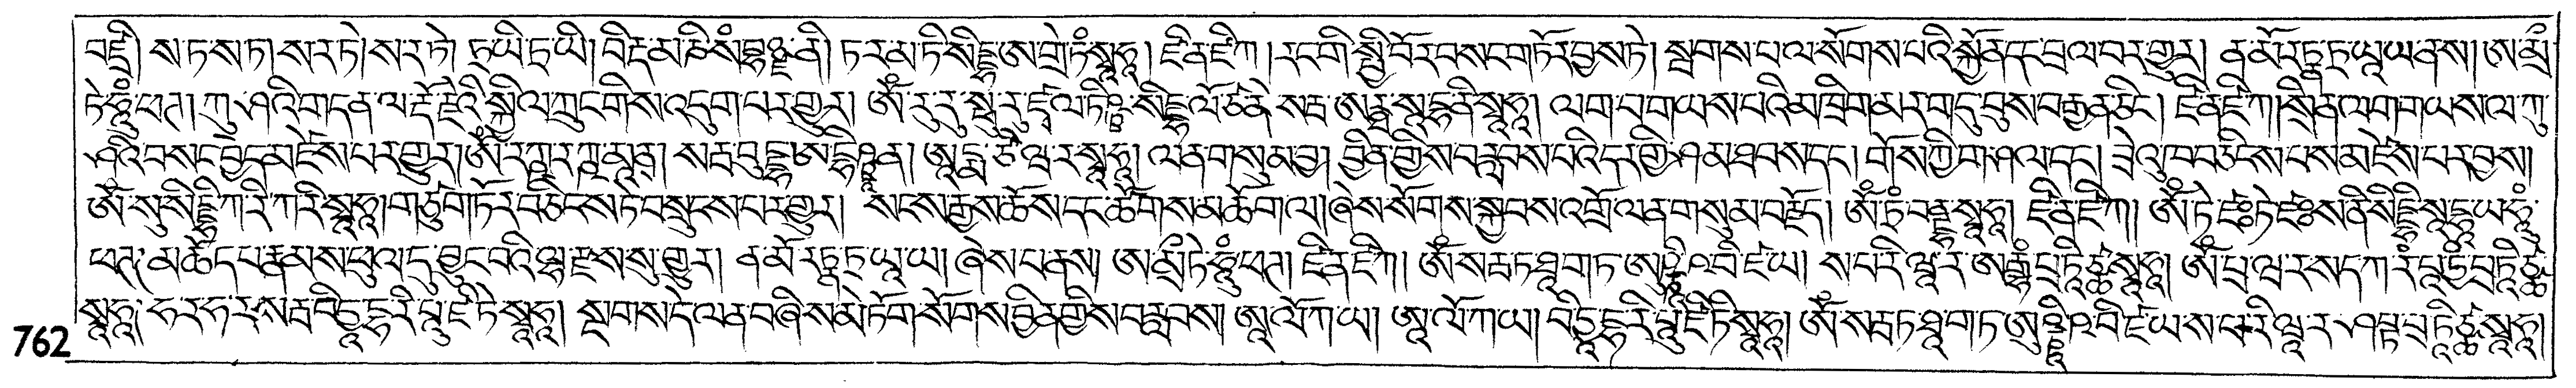བཛྲི། ས་ཏ་ས་ཏ། ས་ར་ཏེ། ས་ར་ཏེ། ཏྲ་ཡི་ཏྲ་ཡི། བིརྡ་མ་ཎི་སཾ་བྷ་ཉྫ་ནི། ཏ་ར་མ་ཏི་སིདྡྷ་ཨ་གྲེ་ཏཾ་སྭཱཧཱ། ཛི་ན་ཛི་ཀ། རང་གི་སྤྱི་བོར་བསང་གཏོར་བྱས་ཏེ། སྦགས་པ་ལ་སོགས་པའི་སྐྱོན་དང་བྲལ་བར་གྱུར། ན་མོ་རཏྣ་ཏྲ་ཡཱ་ཡ་ནས། ཨ་མྲྀ་
ཏེ་ཧཱུཾ་ཕཊ། ཀུ་ཤའི་གདན་ལ་རྡོ་རྗེའི་སྐྱིལ་ཀྲུང་གིས་འདུག་པར་གྱུར། ཨོཾ་རུ་རུ་སྥུ་རུ་ཛྭ་ལ་ཏིཥཊཿཨ་སིདྡྷ་ལོ་ཙ་ནེ་སརྦ་ཨརྠ་སཱ་དྷ་ནི་སྭཱཧཱ། ལག་པ་གཡས་པའི་མཁྲིག་མར་གདུ་བུས་བརྒྱན་ཅིང་། ཛི་ན་ཛི་ཀ། སྲིན་ལག་གཡས་ལ་ཀུ་
ཤའི་བསང་བྱེད་མཛེས་པར་གྱུར། ཨོཾ་རཀྵ་རཀྵ་མཱ་ནྲ། སརྦ་བུདྡྷ་ཨ་དྷི་ཥཊཿཨཱ་ན། ཨཱདམ་ཙི་ཝ་ར་སྭཱཧཱ། ལན་གསུམ་བྱ། བྱིན་གྱིས་བརླབས་པའི་དར་གྱི་ཤམ་ཐབས་དང་། གོས་ཀྱི་ག་ཤལ་དང་། ཟེའུ་ཁ་བཅིངས་པས་མཛེས་པར་བྱས།
ཨོཾ་སུ་སིདྡྷི་ཀ་རི་ཀ་རི་སྭཱཧཱ། གཙུག་ཏོར་བཅིངས་ཏེ་བསྲུངས་པར་གྱུར། སངས་རྒྱས་ཆོས་དང་ཚོགས་མཆོག་ལ། ཞེས་སོགས་སྐྱབས་འགྲོ་ལན་གསུམ་བརྗོད། ཨོཾ་ཏྲཾ་བནྡྷ་སྭཱཧཱ། ཛི་ན་ཛི་ཀ། ཨོཾ་ཏེ་ཛཿ ཏེ་ཛཿ ས་ནི་སིདྡྷི་སཱ་དྷཱ་ཡ་ཧཱུཾ་
ཕཊ། མཆོད་པ་རྣམས་ཕུལ་དུ་བྱུང་བའི་ལྷ་རྫས་སུ་གྱུར། ན་མོ་རཏྣ་ཏྲ་ཡཱ་ཡ། ཞེས་པ་ནས། ཨ་མྲྀ་ཏེ་ཧཱུཾ་ཕཊ། ཛི་ན་ཛི་ཀ། ཨོཾ་སརྦ་ཏ་ཐཱ་ག་ཏ་ཨུཥྞི་ཥ་བི་ཛ་ཡ། ས་པ་རི་ཝཱ་ར་ཨརྒྷཾ་པྲ་ཏཱི་ཙྪ་སྭཱཧཱ། ཨོཾ་པྲ་ཝ་ར་སད་ཀ་རཾ་པཱ་དྱཾ་པྲ་ཏཱི་ཙྪ་
སྭཱཧཱ། ཧ་ར་ཧ་ར་སརྦ་བིདྱཱ་དྷ་རི་པཱུ་ཛི་ཏེ་སྭཱཧཱ། སྔགས་དེ་ལན་བཞིས་མེ་ཏོག་སོགས་བྱིན་གྱིས་བརླབས། ཨཱ་ལོ་ཀ་ཡ། ཨཱ་ལོ་ཀ་ཡ། བི་དྱཱ་དྷ་རི་པཱུ་ཛི་ཏི་སྭཱཧཱ། ཨོཾ་སརྦ་ཏ་ཐཱ་ག་ཏ་ཨུཥྞཱི་ཥ་བི་ཛ་ཡ་ས་པ་རི་ཝཱ་ར་ཤཔྟ་པྲ་ཏཱི་ཙྪ་སྭཱཧཱ།